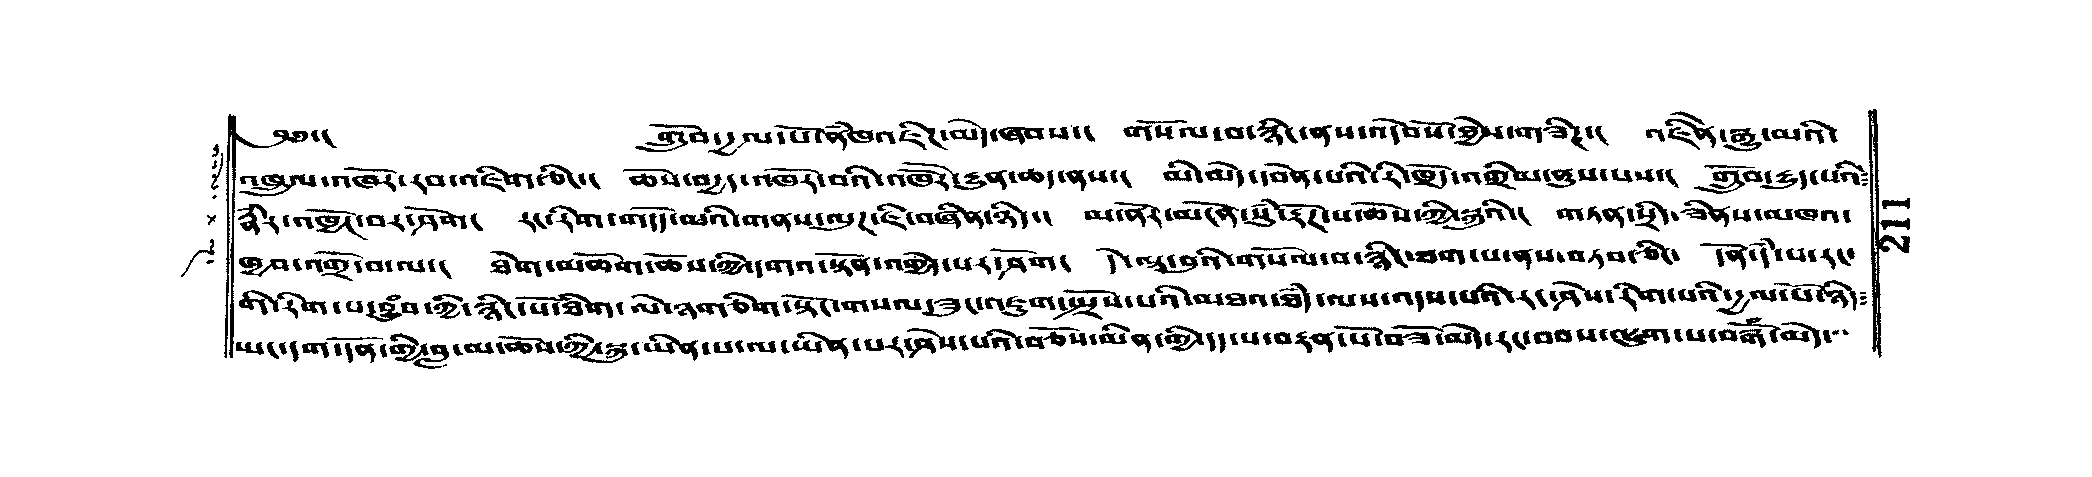།གྲུབ་ཐོབ་རྒྱལ་པོ་ནམ་མཁའ་འཇིགས་མེད་ཞབས། །གསོལ་བ་སྙིང་ནས་འདེབས་སོ་ཐུགས་རྗེས་གཟིགས། །འཇིག་རྟེན་སྒྱུ་མའི་
འཁྲུལ་འཁོར་རབ་འཇིག་ཅིང་། །ཆོས་བརྒྱད་འཁོར་བའི་འཁོར་ལོ་རྒྱུན་ཆད་ནས། །མི་མེད་དབེན་པའི་རི་ཁྲོད་འགྲིམས་ནུས་པའི། །གྲུབ་ཐོབ་རྒྱུད་པའི་
རྣམ་པར་འཁྱོངས་བར་ཤོག །རང་རིག་གདོད་མའི་གནས་ལུགས་ཇི་བཞིན་ཉིད། །མ་ནོར་མངོན་སུམ་རྟོགས་པ་ཆོས་ཀྱི་སྐུའི། །གཏན་སྲིད་ཟིན་ནས་མཁའ་
ཁྱབ་འགྲོ་བ་ལ། །ཐེག་མཆོག་ཆོས་ཀྱི་དགའ་སྟོན་འགྱེད་པར་ཤོག །དེ་ལྟ་བུའི་གསོལ་བ་སྙིང་ཐག་པ་ནས་བཏབ་ཅིང་། དོན་དམ་པ་རང་
གི་རིག་པ་བྱང་ཆུབ་ཀྱི་སྙིང་པོ་ཐིག་ལེ་ཉག་ཅིག་སྟོང་གསལ་ཟུང་འཇུག་སྤྲོས་པའི་མཐའ་ཐམས་ཅད་ལས་འདས་པའི་རང་ཤེས་རིག་པའི་རྒྱལ་པོ་ཉིད་
ཡང་དག་དོན་གྱི་བླ་མ་ཆོས་ཀྱི་སྐུ་ཡིན་པ་ལ་ཡིན་པར་ཤེས་པའི་བཅོས་མིན་གྱི་དད་པ་བརྟན་པོ་བཟོ་མེད་རང་བབས་ལྷུག་པ་བསྒོམ་མེད་